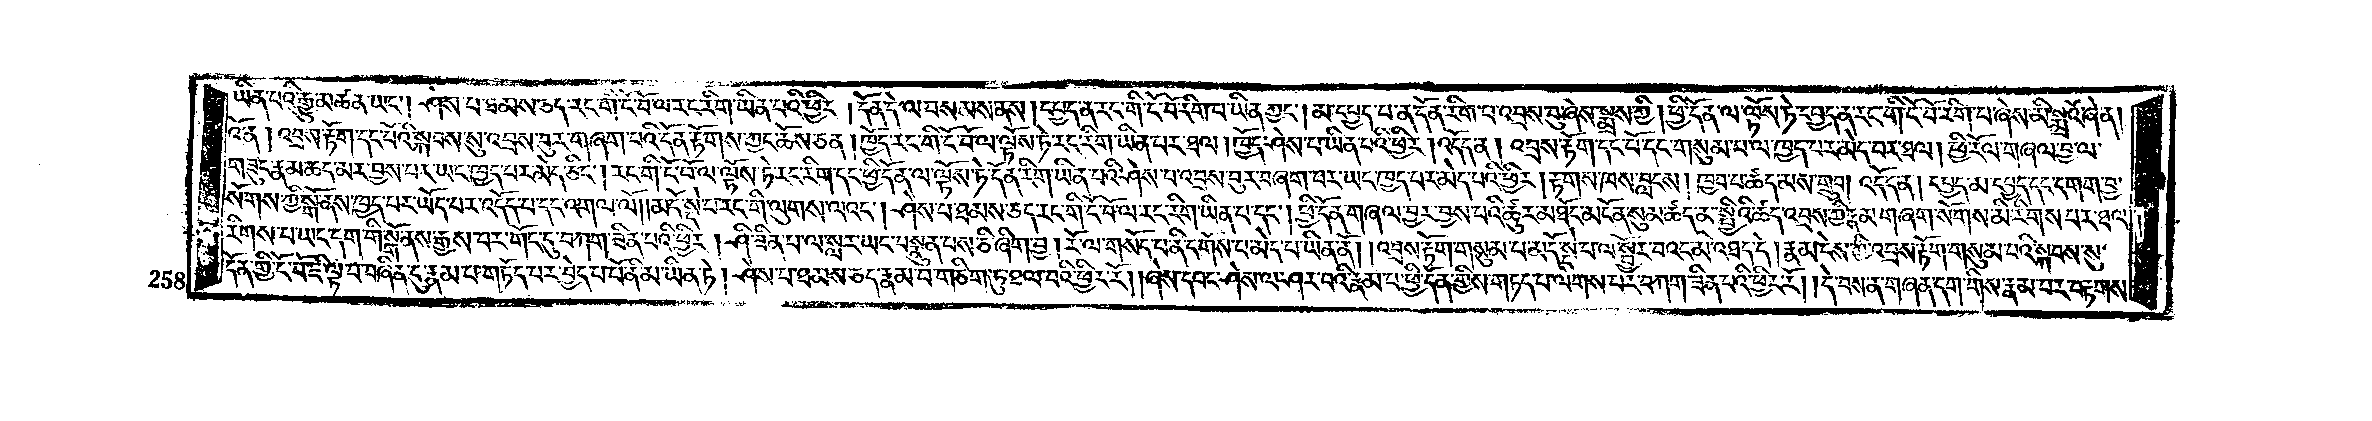ཡིན་པའི་རྒྱུ་མཚན་ཡང་། ཤེས་པ་ཐམས་ཅད་རང་གི་ངོ་བོ་ལ་རང་རིག་ཡིན་པའི་ཕྱིར། དོན་དེ་ལ་བསམས་ནས། དཔྱད་ན་རང་གི་ངོ་བོ་རིག་པ་ཡིན་ཀྱང་། མ་དཔྱད་པ་ན་དོན་རིག་པ་འབྲས་བུ་ཞེས་སྨྲས་ཀྱི། ཕྱི་དོན་ལ་ལྟོས་ཏེ་དཔྱད་ན་རང་གི་ངོ་བོ་རིག་པ་ཞེས་མི་སྨྲའོ་ཞེ་ན།
འོ་ན། འབྲས་རྟོག་དང་པོའི་སྐབས་སུ་འབྲས་བུར་གཞག་པའི་དོན་རྟོགས་ཀྱང་ཆོས་ཅན། ཁྱོད་རང་གི་ངོ་བོ་ལ་ལྟོས་ཏེ་རང་རིག་ཡིན་པར་ཐལ། ཁྱོད་ཤེས་པ་ཡིན་པའི་ཕྱིར། འདོད་ན། འབྲས་རྟོག་དང་པོ་དང་གསུམ་པ་ལ་ཁྱད་པར་མེད་པར་ཐལ། ཕྱི་རོལ་གཞལ་བྱ་ལ་
གཟུང་རྣམ་ཚད་མར་བྱས་པར་ཡང་ཁྱད་པར་མེད་ཅིང་། རང་གི་ངོ་བོ་ལ་ལྟོས་ཏེ་རང་རིག་དང་ཕྱི་དོན་ལ་ལྟོས་ཏེ་དོན་རིག་ཡིན་པའི་ཤེས་པ་འབྲས་བུར་བཞག་པར་ཡང་ཁྱད་པར་མེད་པའི་ཕྱིར། རྟགས་ཁས་བླངས། ཁྱབ་པ་ཚད་མས་གྲུབ། འདོད་ན། དཔྱད་མ་དཔྱད་དང་དགག་བྱ་
སོགས་ཀྱི་སྒོ་ནས་ཁྱད་པར་ཡོད་པར་འདོད་པ་དང་འགལ་ལོ། །མདོ་སྡེ་པ་རང་གི་ལུགས་ལའང་། ཤེས་པ་ཐམས་ཅད་རང་གི་ངོ་བོ་ལ་རང་རིག་ཡིན་པ་དང་། ཕྱི་དོན་གཞལ་བྱར་བྱས་པའི་ཚུར་མཐོང་མངོན་སུམ་ཚད་མ་སྤྱིའི་ཚད་འབྲས་ཀྱི་རྣམ་གཞག་སོགས་མི་རིགས་པར་ཐལ་
རིགས་པ་ཡང་དག་གི་སྒོ་ནས་རྒྱས་པར་གོང་དུ་བཀག་ཟིན་པའི་ཕྱིར། ཤི་ཟིན་པ་ལ་སླར་ཡང་བསྣུན་པས་ཅི་ཞིག་བྱ། རོ་ལ་གསོད་པ་ནི་དགོས་པ་མེད་པ་ཡིན་ནོ། །འབྲས་རྟོག་གསུམ་པ་མདོ་སྡེ་པ་ལ་སྦྱོར་བའང་མི་འཐད་དེ། རྣམ་ངེས་ཀྱི་འབྲས་རྟོག་གསུམ་པའི་སྐབས་སུ་
དོན་གྱི་ངོ་བོ་ཇི་ལྟ་བ་བཞིན་དུ་རྣམ་པ་གཏོད་པར་བྱེད་པ་པོ་ནི་མ་ཡིན་ཏེ། ཤེས་པ་ཐམས་ཅད་རྣམ་པ་གཅིག་ཏུ་ཐལ་བའི་ཕྱིར་རོ། །ཞེས་དབང་ཤེས་ལ་ཤར་བའི་རྣམ་པ་ཕྱི་དོན་གྱིས་གཏད་པ་ལེགས་པར་བཀག་ཟིན་པའི་ཕྱིར་རོ། །དེ་བས་ན་གཞན་དག་གིས་རྣམ་པར་བརྟགས་